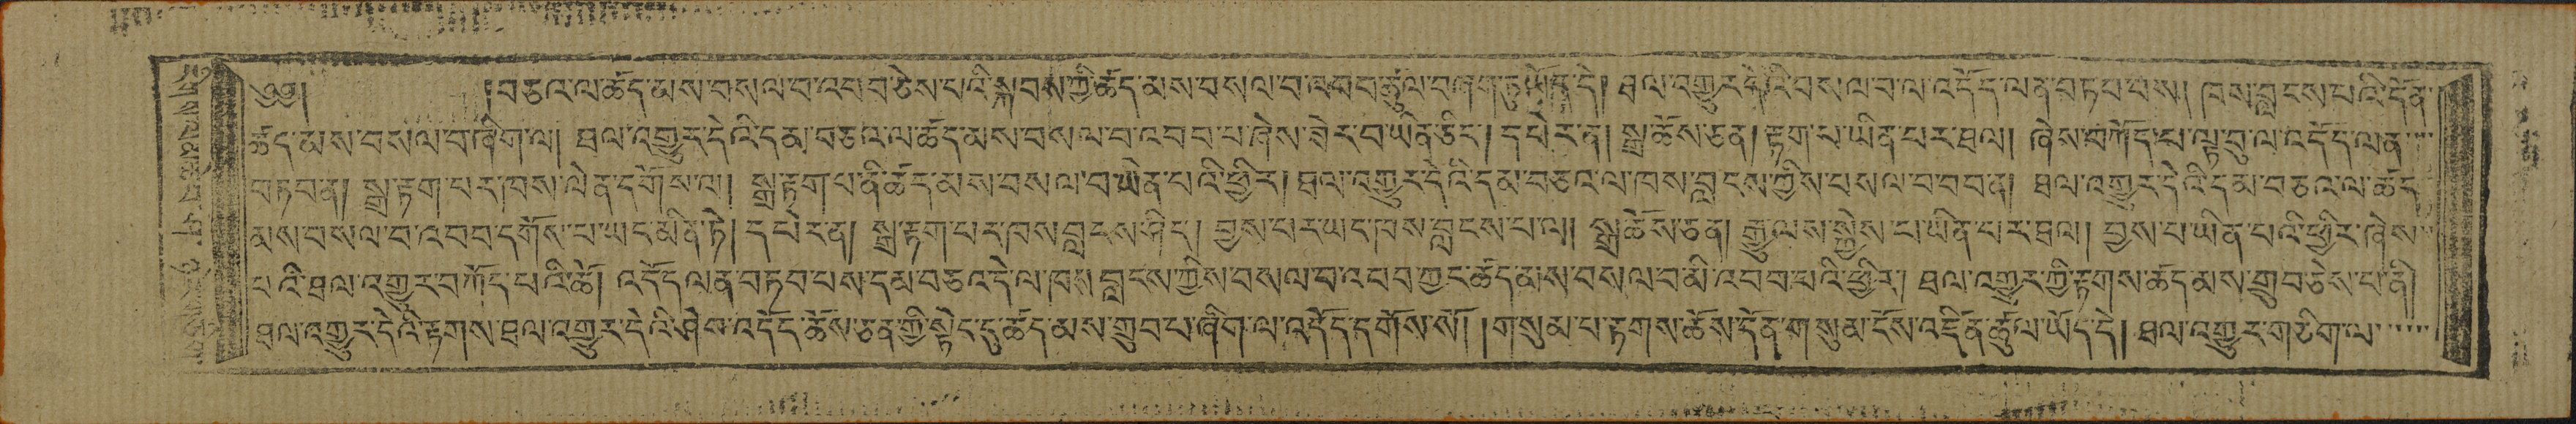༄༅། །བཅའ་ལ་ཚད་མས་བསལ་བ་འབབ་ཅེས་པའི་སྐབས་ཀྱི་ཚད་མས་བསལ་བ་འབབ་ཚུལ་བཞག་ཏུ་ཡོད་དེ། ཐལ་འགྱུར་དེའི་བསལ་བ་ལ་འདོད་ལན་བཏབ་པས། ཁས་བླངས་པའི་དོན་
ཚད་མས་བསལ་བ་ཞིག་ལ། ཐལ་འགྱུར་དེའི་དམ་བཅའ་ལ་ཚད་མས་བསལ་བ་འབབ་པ་ཞེས་ཟེར་བ་ཡིན་ཅིང་། དཔེར་ན། སྒྲ་ཆོས་ཅན། རྟག་པ་ཡིན་པར་ཐལ། ཞེས་བཀོད་པ་ལྟ་བུ་ལ་འདོད་ལན་
བཏབ་ན། སྒྲ་རྟག་པར་ཁས་ལེན་དགོས་ལ། སྒྲ་རྟག་པ་ནི་ཚད་མས་བསལ་བ་ཡིན་པའི་ཕྱིར། ཐལ་འགྱུར་དེའི་དམ་བཅའ་ལ་ཁས་བླངས་ཀྱིས་བསལ་བ་བབ་ན། ཐལ་འགྱུར་དེའི་དམ་བཅའ་ལ་ཚད་
མས་བསལ་བ་འབབ་དགོས་པ་ཡང་མིན་ཏེ། དཔེར་ན། སྒྲ་རྟག་པར་ཁས་བླངས་ཤིང་། བྱས་པར་ཡང་ཁས་བླངས་པ་ལ། སྒྲ་ཆོས་ཅན། རྒྱུ་ལས་སྐྱེས་པ་ཡིན་པར་ཐལ། བྱས་པ་ཡིན་པའི་ཕྱིར་ཞེས་
པའི་ཐལ་འགྱུར་བཀོད་པའི་ཚེ། འདོད་ལན་བཏབ་པས་དམ་བཅའ་དེ་ལ་ཁས་བླངས་ཀྱིས་བསལ་བ་འབབ་ཀྱང་ཚད་མས་བསལ་བ་མི་འབབ་པའི་ཕྱིར། ཐལ་འགྱུར་ཀྱི་རྟགས་ཚད་མས་གྲུབ་ཅེས་པ་ནི།
ཐལ་འགྱུར་དེའི་རྟགས་ཐལ་འགྱུར་དེའི་ཤེས་འདོད་ཆོས་ཅན་གྱི་སྟེང་དུ་ཚད་མས་གྲུབ་པ་ཞིག་ལ་འདོད་དགོས་སོ། །གསུམ་པ་རྟགས་ཆོས་དོན་གསུམ་ངོས་འཛིན་ཚུལ་ཡོད་དེ། ཐལ་འགྱུར་གཅིག་ལ་